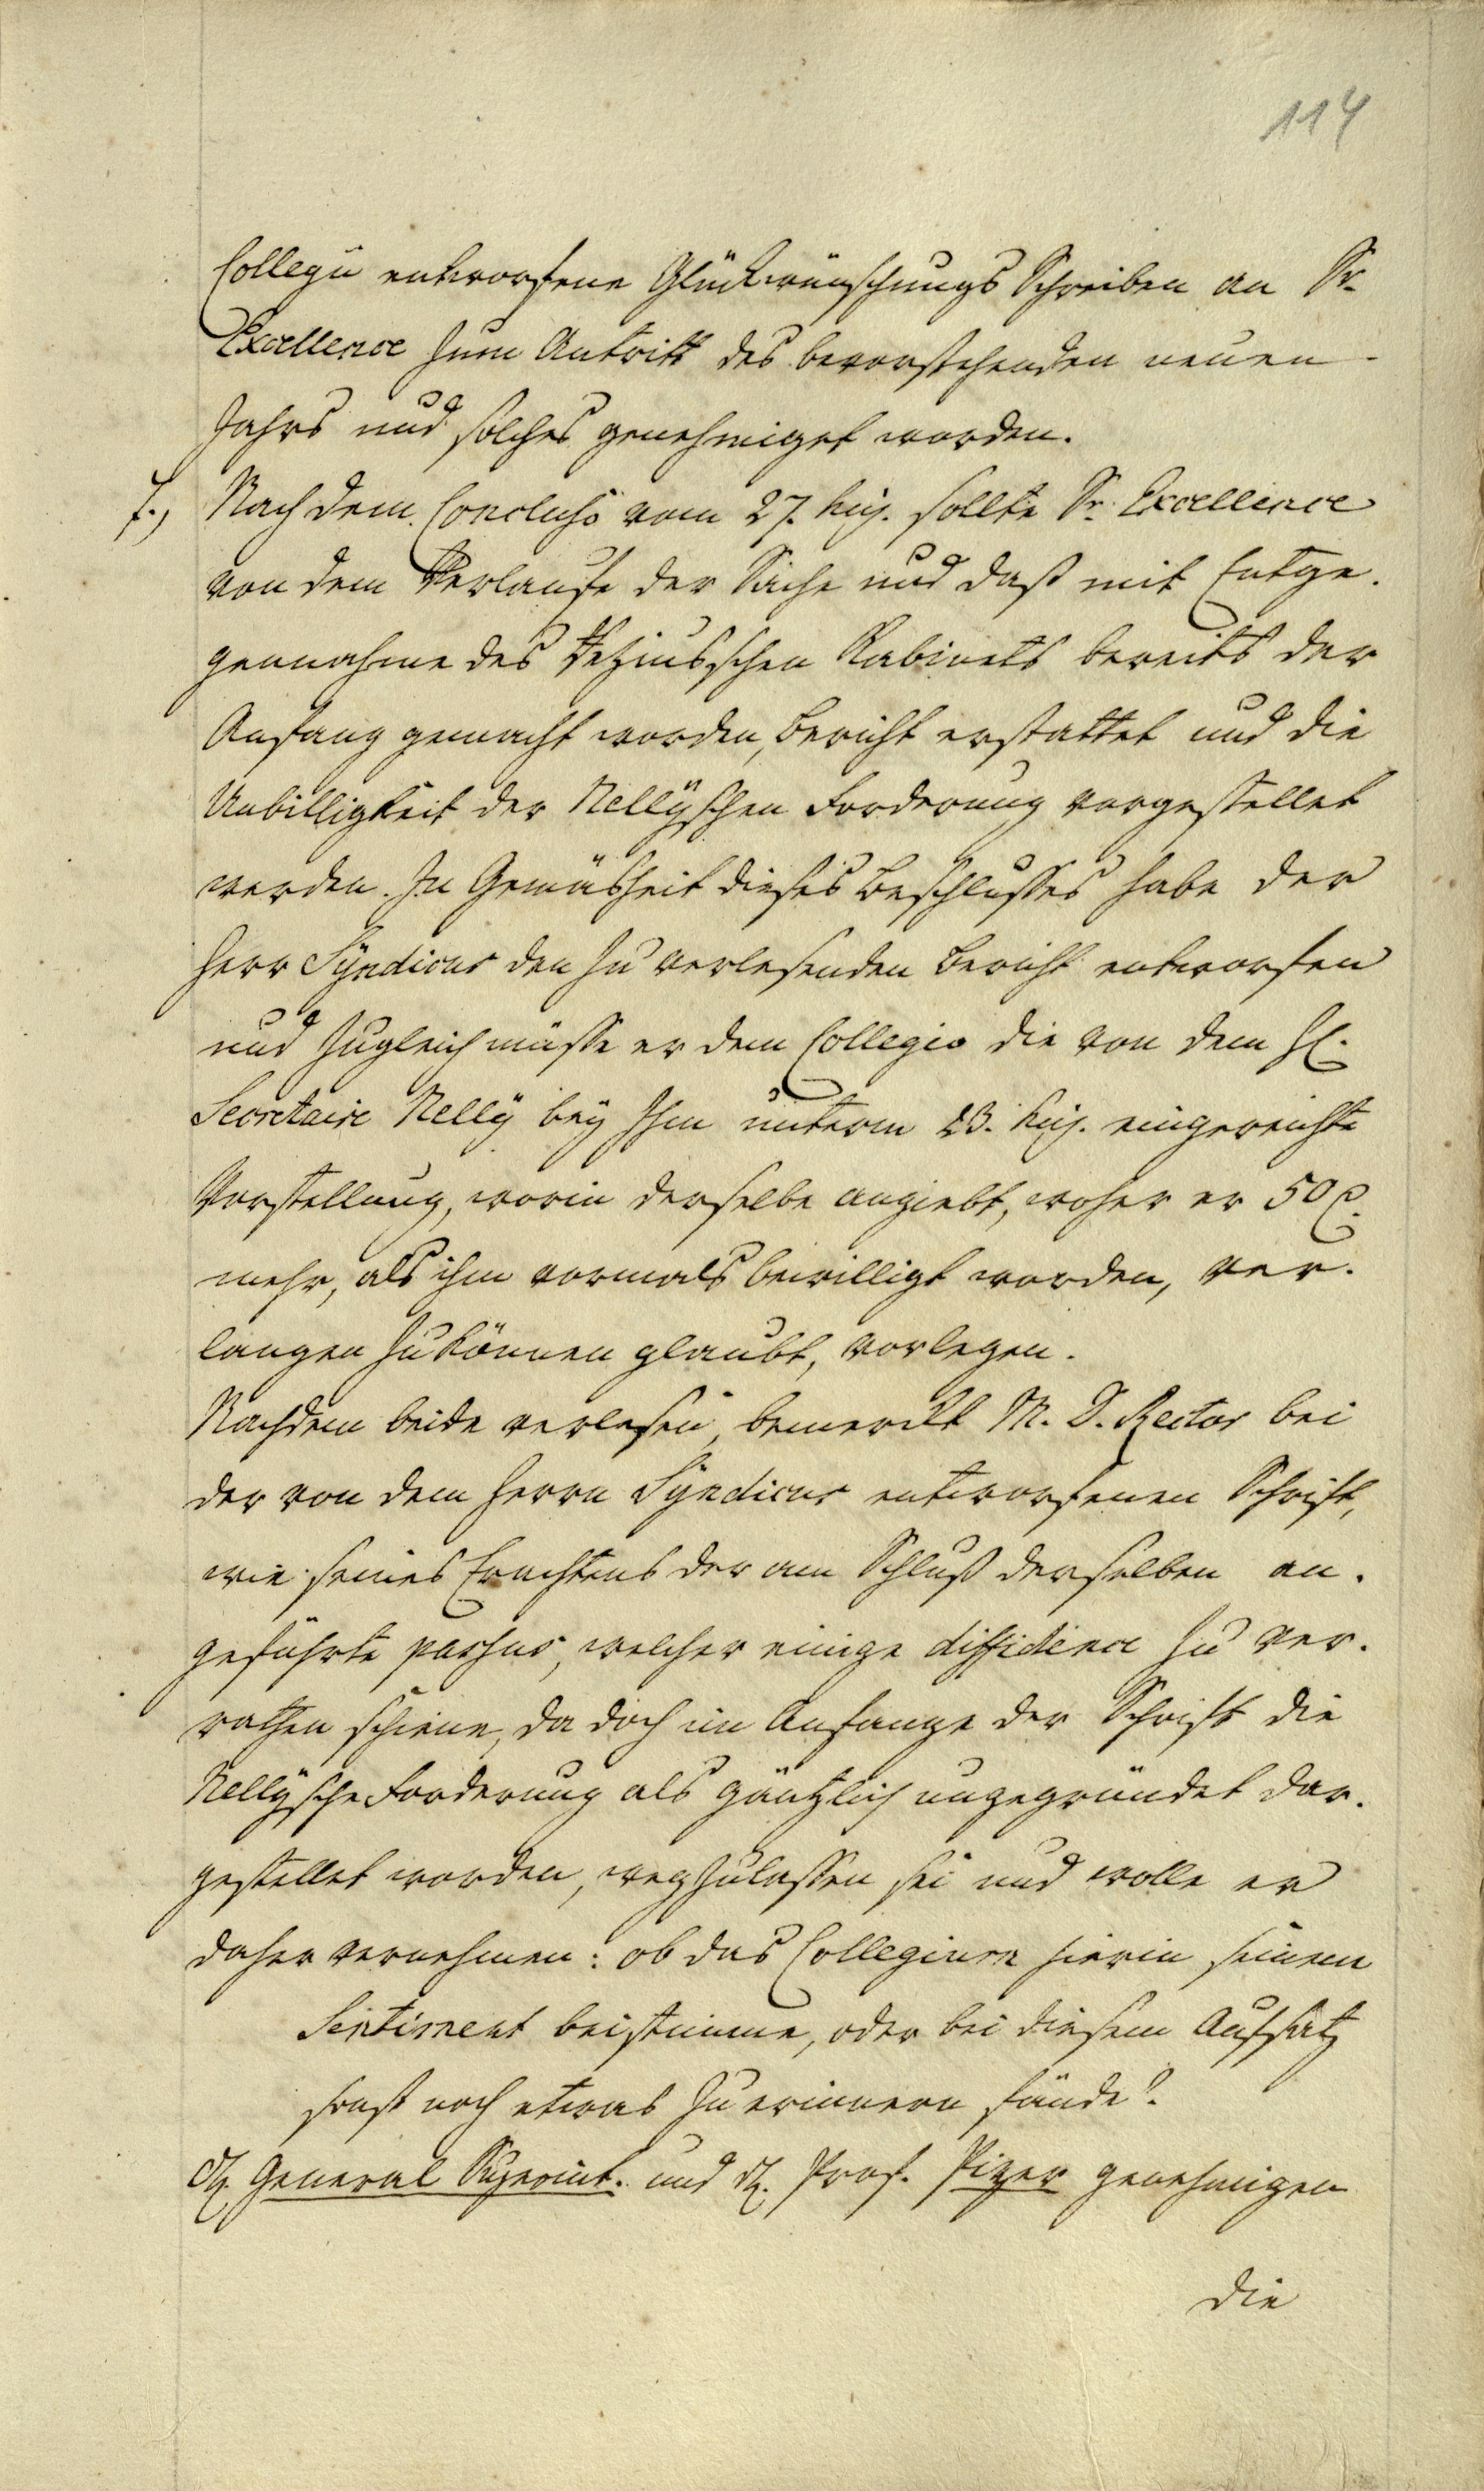Collegii entworfene Glückwünschungs Schreiben an Sr
Excellence zum Antritt des bevorstehenden neuen
Jahres und solches genehmiget worden.
7., Nach dem Concluso vom 27. huj. sollte Sr Excellence
von dem Verlaufe der Sache und daß mit Entge¬
gennahme des Reziusschen Kabinets bereits der
Anfang gemacht worden, Bericht erstattet und die
Unbilligkeit der Nellÿschen Forderung vorgestellet
werden. In Gemäsheit dieses Beschlusses habe der
Herr Sÿndicus den zu verlesenden Bericht entworfen
und zugleich müsse er dem Collegio die von dem H.
Secretaire Nellÿ beÿ Ihm unterm 23. huj. eingereichte
Vorstellung, worin derselbe angiebt, woher er 50 l.
mehr, als ihm vormals bewilligt worden, ver¬
langen zukönnen glaubt, vorlegen.
Nachdem beide verlesen, bemerckt M. D. Rector bei
der von dem Herrn Sÿndicus entworfenen Schrift,
wie seines Erachtens der am Schluß derselben an¬
geführte passus, welcher einige diffidence zu ver¬
rathen schiene, da doch im Anfange der Schrift die
NellÿscheForderung als gäntzlich ungegründet dar¬
gestellet worden, wegzulassen sei und wolle er
daher vernehmen: ob das Collegium hierin seinem
Sentiment beistimme, oder bei diesem Aufsatz
sonst noch etwas zu erinnern fände ?
dh General Superint. und dh. Prof. Piper genehmigen
die